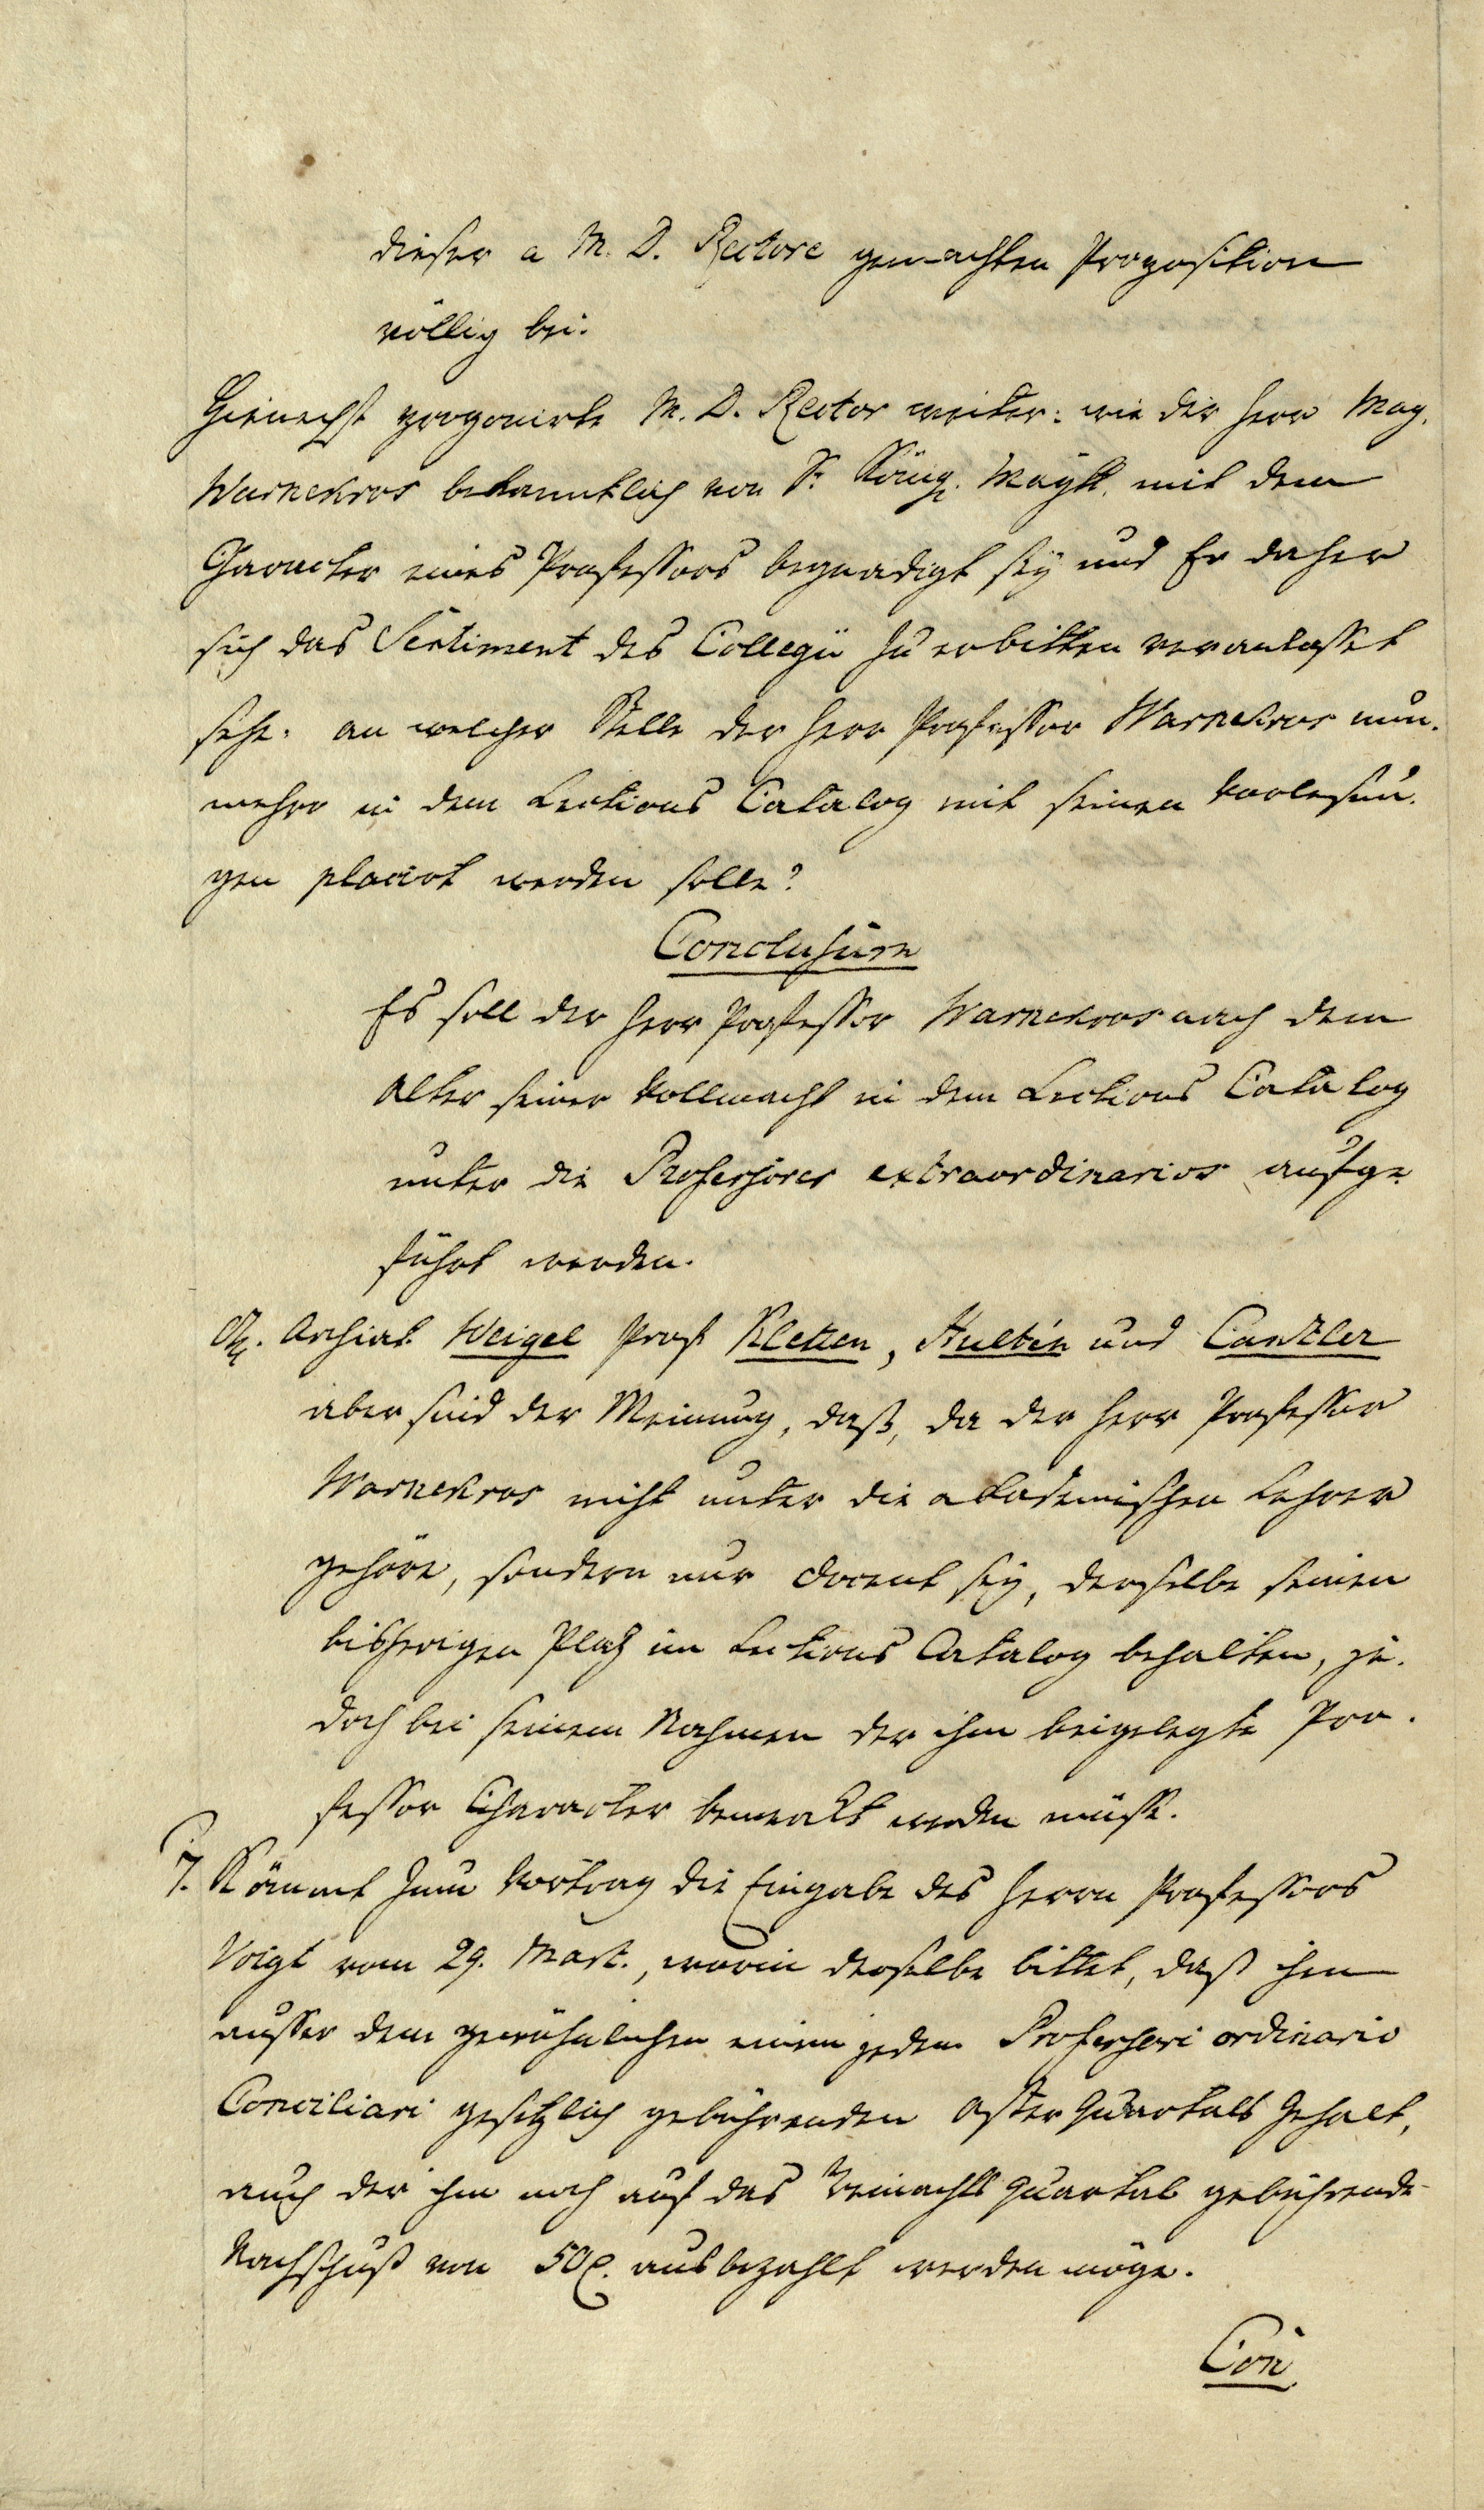dieser a M. D. Rectore gemachten Proposition
völlig bei.
Hienechst proponirte M. D. Rector weiter: wie der Herr Mag.
Warnekros bekanntlich von Sr König. Maÿtt. mit dem
Character eines Professors begnadiget seÿ und Er daher
sich das Sentiment des Collegii zu erbitten veranlasset
sehe. an welcher Stelle der Herr Professor Warnekros nun¬
mehro in dem Lections Catalog mit seinen Vorlesun¬
gen placirt werden solle?
Conclusum
Es soll der Herr Professor Warnekros nach dem
Alter seiner Vollmacht in dem Lections Catalog
unter die Professores extraordinarios aufge¬
führt werden.
dh. Archiat. Weigel Prof Kletten, Hultén und Canzler
aber sind der Meinung, daß, da der Herr Professor
Warnekros nicht unter die akademischen Lehrer
gehöre, sondern nur Docent seÿ, derselbe seinen
bisherigen Platz im Lections Catalog behalten, je¬
doch bei seinem Nahmen der ihm beigelegte Prof¬
fessor Character bemerckt werden müsse.
7. Kömmt zum Vortrag die Eingabe des Herrn Professors
Voigt vom 29. Mart., worin derselbe bittet, daß ihm
ausser dem gewöhnlichen einem jeden Professori ordinario
Conciliari gesetzlich gebührenden Oster Quartals Gehalt,
auch der ihm noch auf das Weinachts Quartal gebührende
Nachschuß von 50 l. ausbezahlt werden möge.
Con